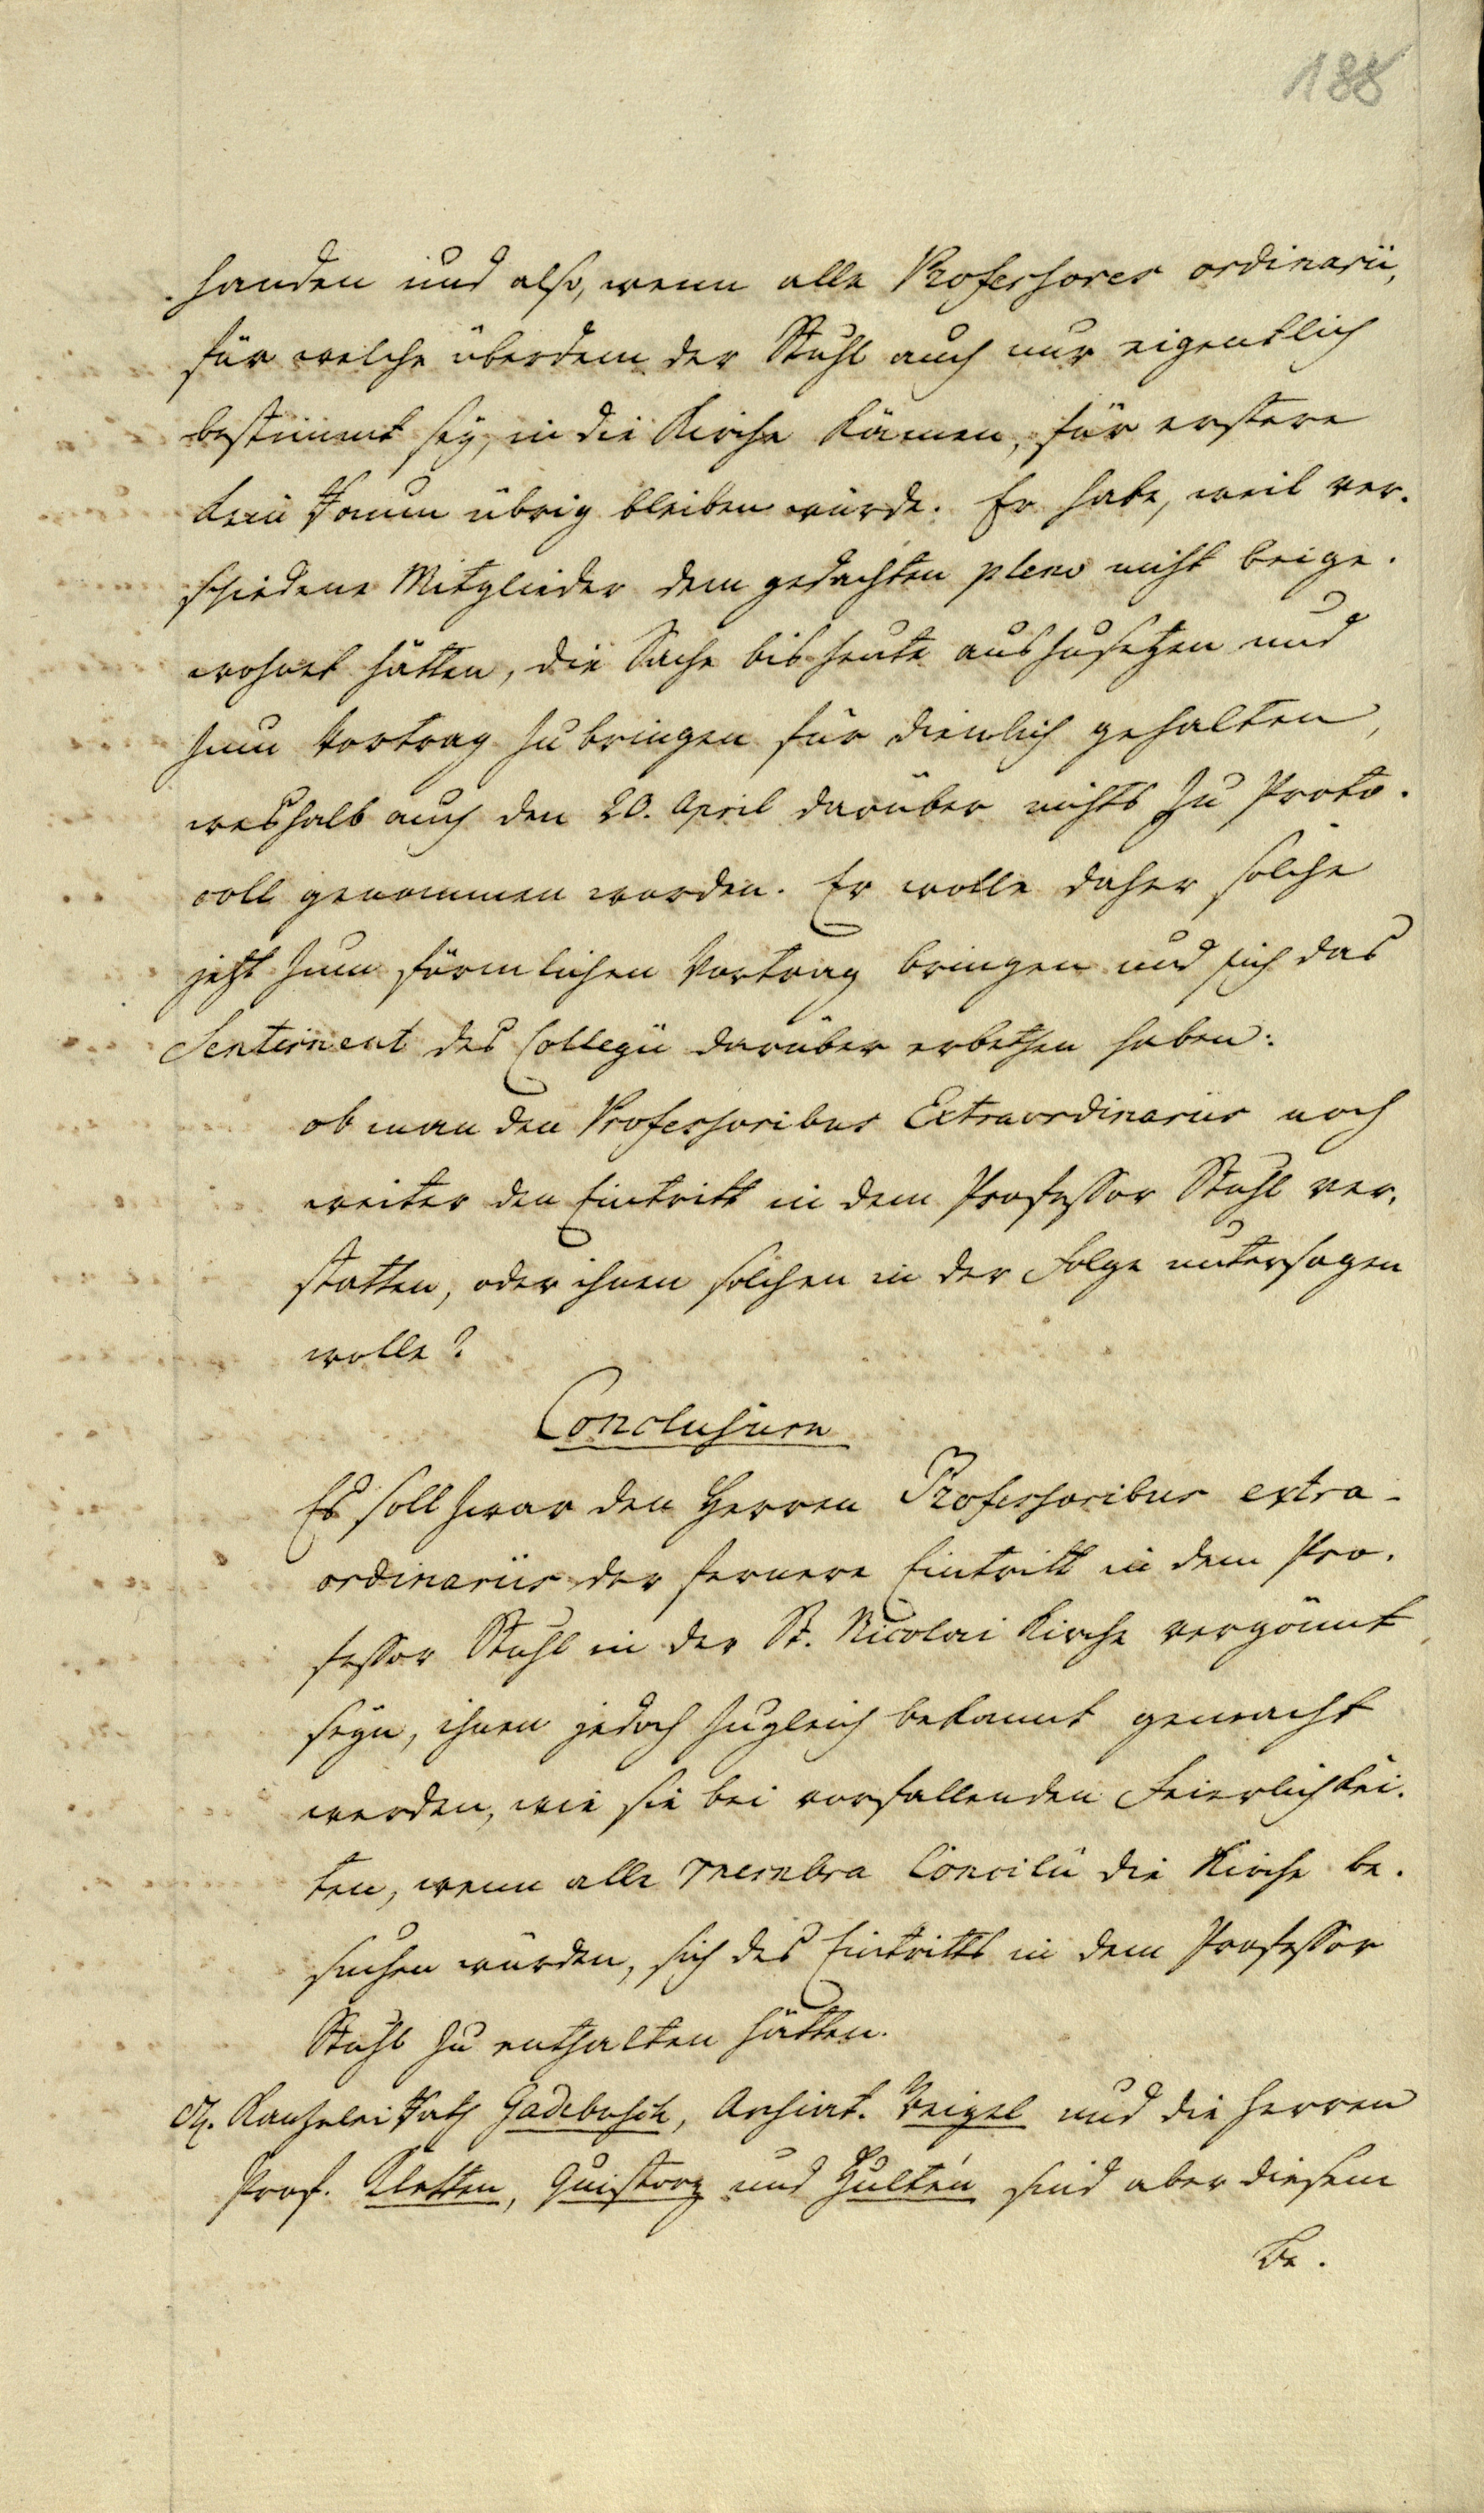handen und also, wenn alle Professores ordinarii,
für welche überdem der Stuhl auch nur eigentlich
bestimmt seÿ, in die Kirche kämen, für erstere
kein Raum übrig bleiben würde. Er habe, weil ver¬
schiedene Mitglieder dem gedachten pleno nicht beige¬
wohnet hätten, die Sache bis heute auszusetzen und
zum Vortrag zu bringen für dienlich gehalten,
weshalb auch den 20. April darüber nichts zu Proto¬
coll genommen worden. Er wolle daher solche
jetzt zum förmlichen Vortrag bringen und sich das
Sentiment des Collegii darüber erbethen haben:
ob man den Professoribus Extraordinaruis noch
weiter den Eintritt in dem Professor Stuhl ver¬
statten, oder ihnen solchen in der Folge untersagen
wolle?
Conclusum
Es soll zwar den Herren Professoribus extra¬
ordinariis der fernere Eintritt in dem Pro¬
fessor Stuhl in der St. Nicolai Kirche vergönnt
seÿn, ihnen jedoch zugleich bekannt gemacht
werden, wie sie bei vorfallenden Feierlichkei¬
ten, wenn alle membra Concilii die Kirche be¬
suchen würden, sich des Eintritts in dem Professor
Stuhl zu enthalten hätten.
dh. Kanzelei Rath Gadebusch, Archiat. Weigel und die Herren
Prof. Kletten, Quistorp und Hultén sind aber diesem
Be